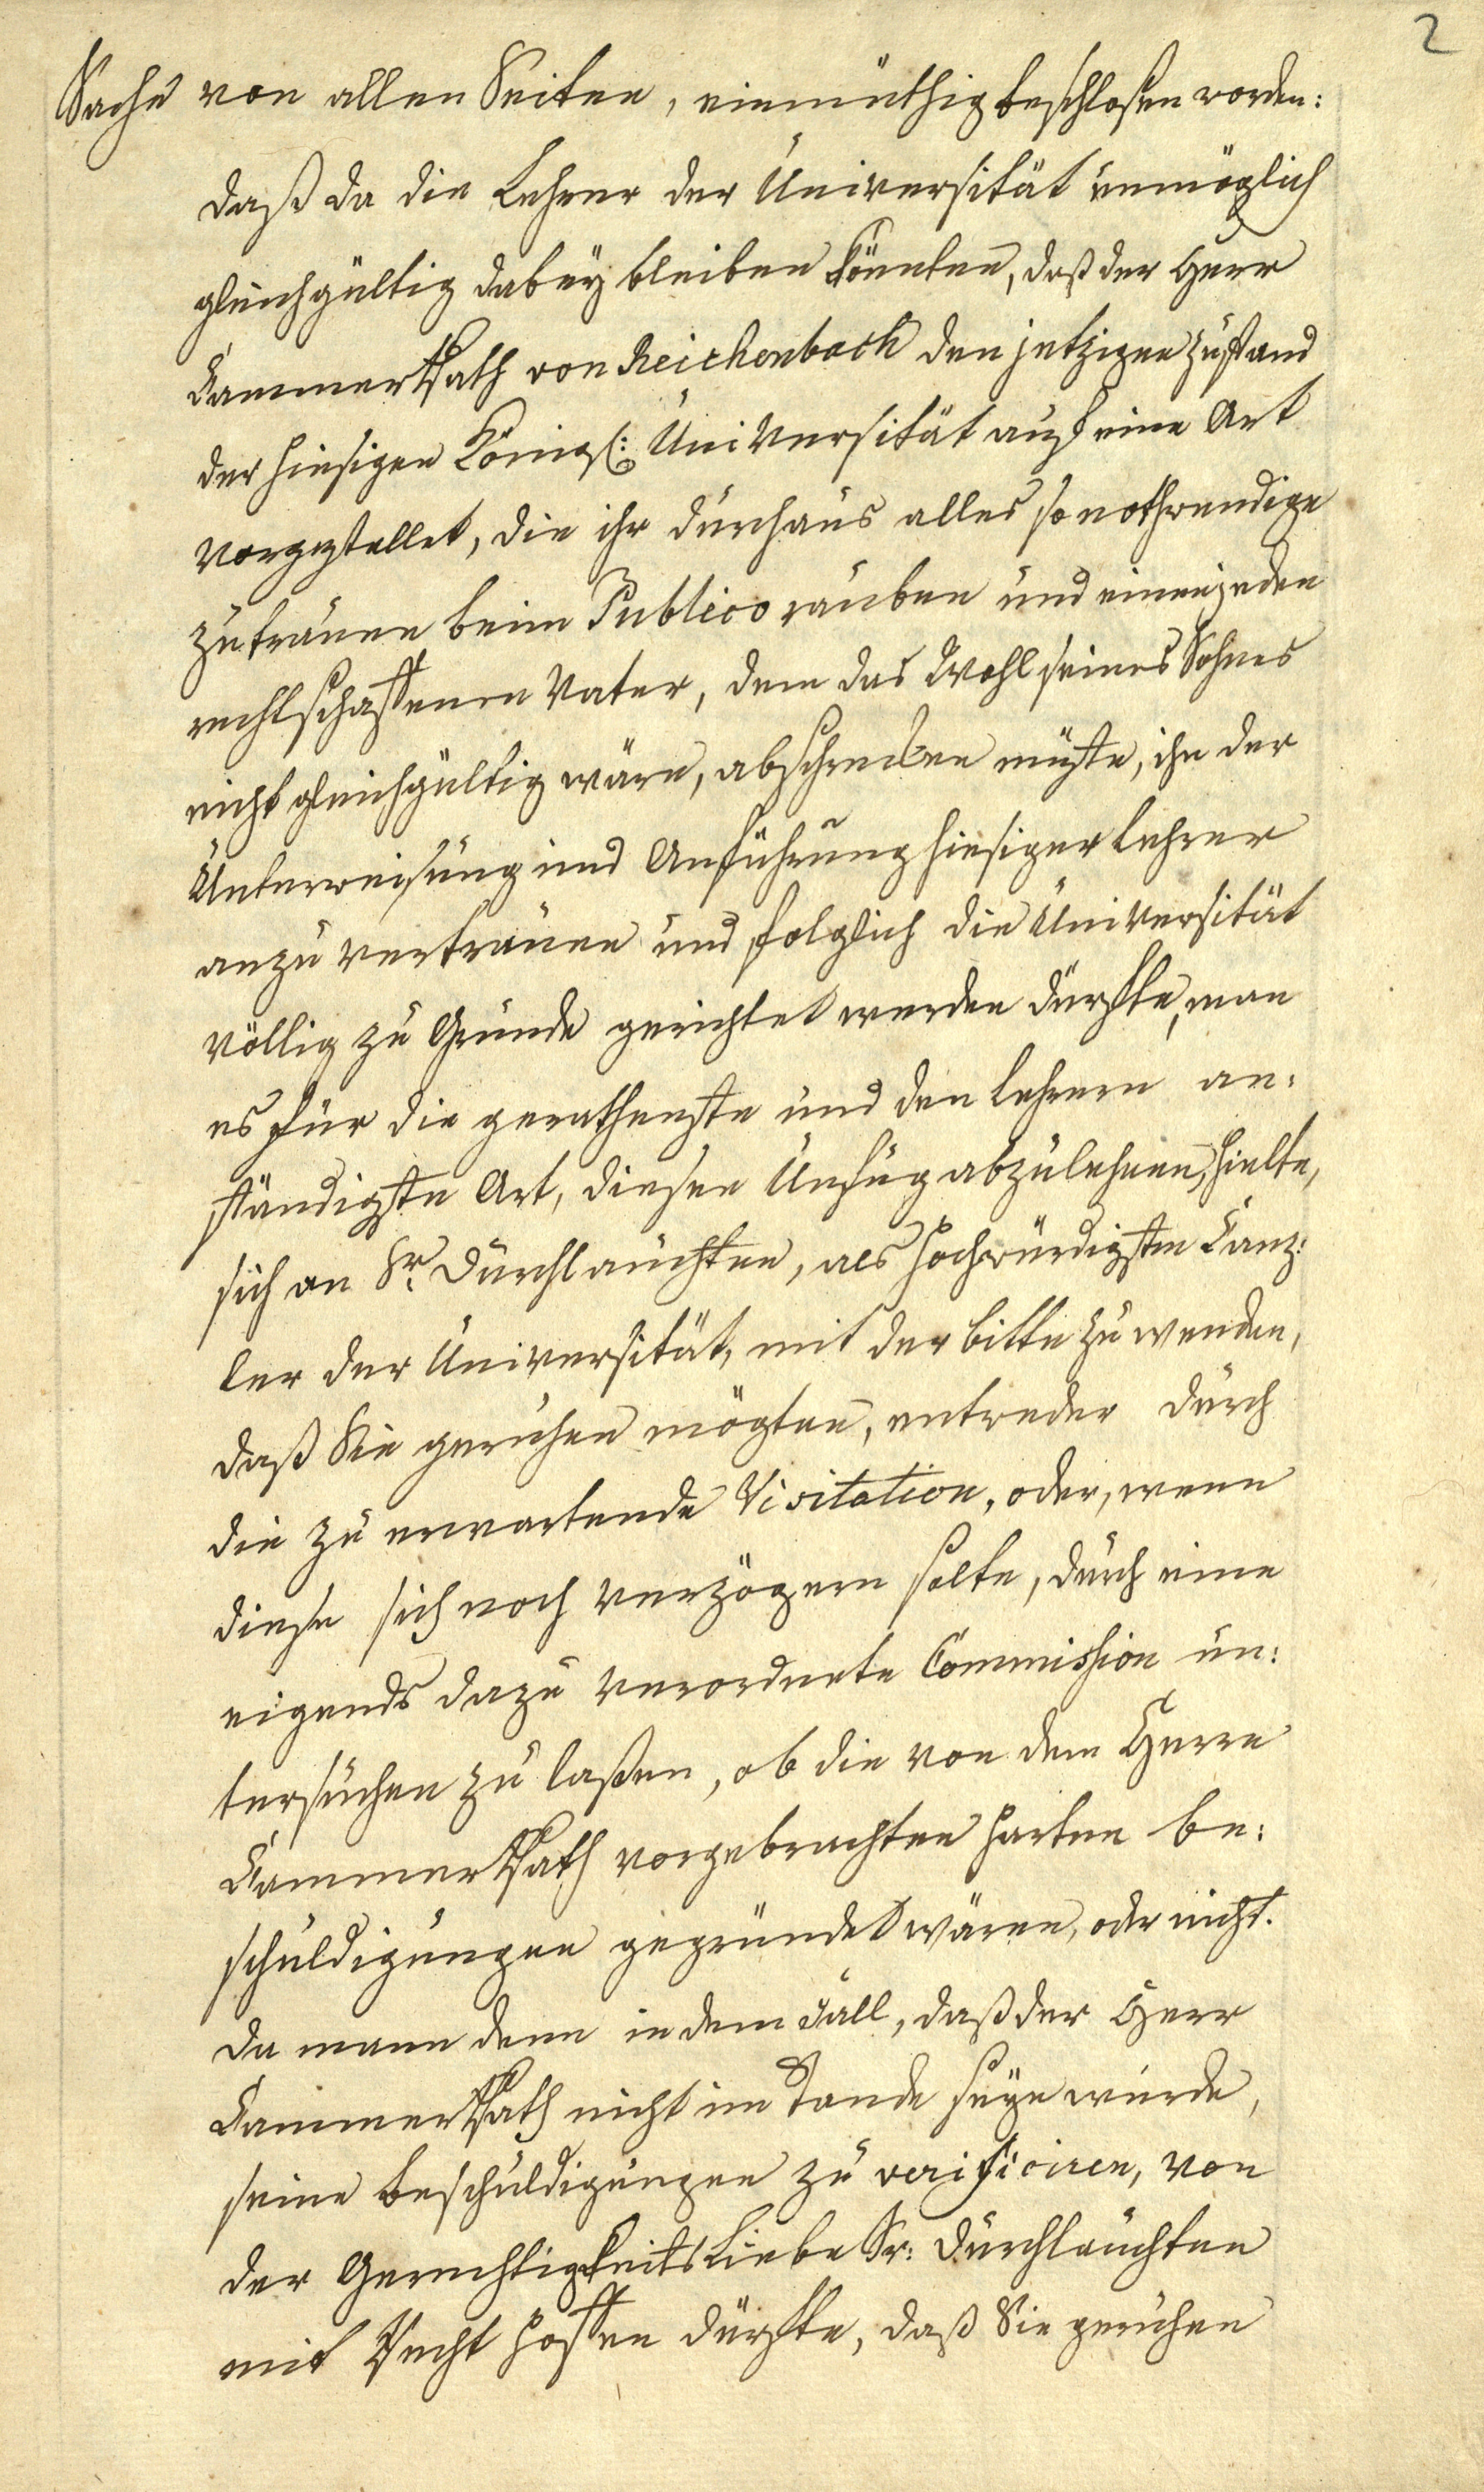Sache von allen Seiten, einmüthig beschloßen worden:
daß da die Lehrer der Universität unmöglich
gleichgültig dabeÿ bleiben könnten, daß der Herr
CammerRath von Reichenbach den jetzigen Zustand
der hiesigen Königl. Universität auf eine Art
vorgestellet, die ihr durchaus alles so nothwendige
Zutrauen beim Publico rauben und einenjeden
rechtschaffenen Vater, dem das Wohl seines Sohnes
nicht gleichgültig wäre, abschrecken müste, ihn der
Unterweisung und Anführung hiesiger Lehrer
anzuvertrauen und folglich die Universität
völlig zu Grunde gerichtet werden dürfte, man
es für die gerathensten und den Lehrern an¬
ständigste Art, diesen Unfug abzulehnen, hielte,
sich an Sr Durchlauchten, als hochwürdigsten Canz¬
ler der Universität, mit der Bitte zu wenden,
daß Sie geruhen mögten, entweder durch
die zu erwartende Visitation, oder, wenn
diese sich noch verzögern solte, durch eine
eigends dazu verordnete Commission un¬
tersuchen zu laßen, ob die von dem Herrn
CammerRath vorgebrachten harten Be¬
schuldigungen gegründet wären, oder nicht.
Da mann denn in dem Fall, daß der Herr
CammerRath nicht im Lande seÿn würde,
seine Beschuldigungen zu verificiren, von
der Gerechtigkeits Liebe Sr Durchlauchten
mit Recht hoffen dürfte, daß Sie geruhen